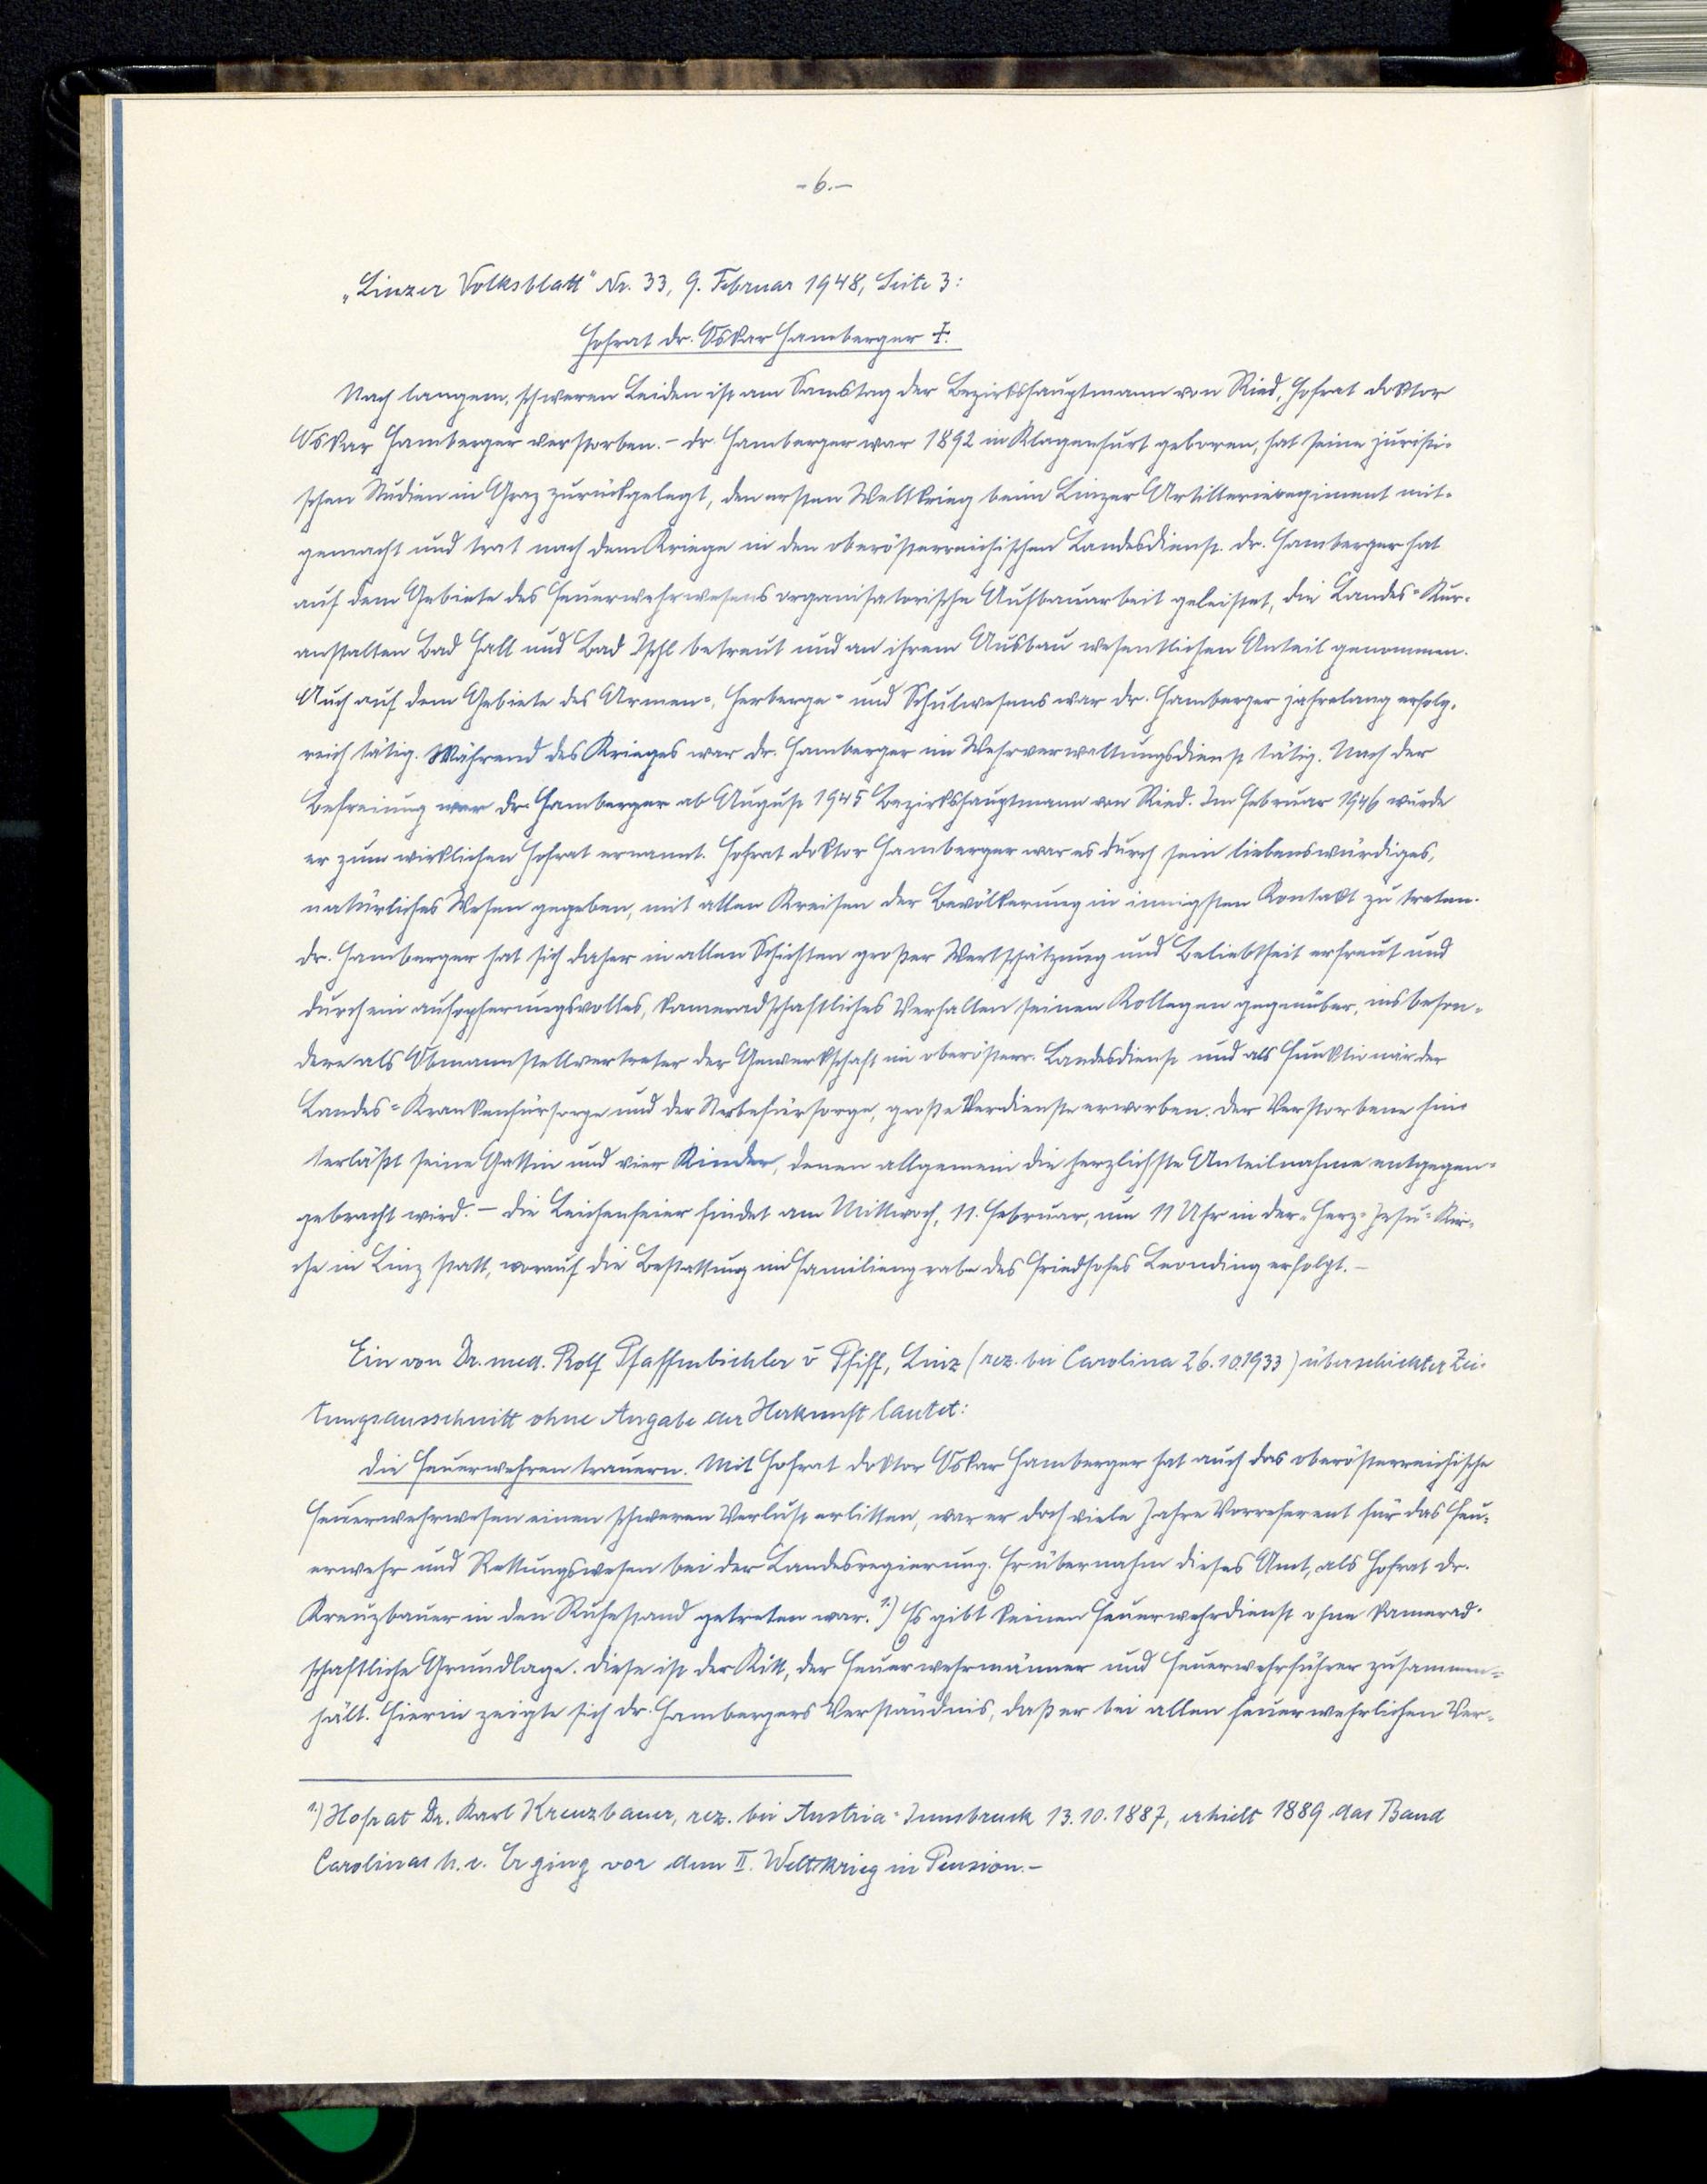6
„ Linzer Volksblatt“, Nr. 33. 9. Februar 1948, Seite 3:
Hofrat Dr. Oskar Hamberger +
Nach langem, schweren Leiden ist am Samstag der Bezirkshauptmann von Ried, Hofrat Doktor
Oskar Handwerker verstorben. - Dr. Hamberger war 1892 in Klagenfurt geboren, hat seine juristi
schen Studien in Graz zurückgelegt, den ersten Weltkrieg beim Linzer Artillerieregiment mit-
gemacht und trat nach dem Kriege in den oberösterreichischen Landesdienst. Dr. Hamberger hat
auf dem Gebiete des Feuerwehrwesens organisatorische Aufbauarbeit geleistet, die Landes-Kur-
anstalten Bad Hall und Bad Ischl betreut und an ihrem Aufbau wesentlichen Anteil genommen.
Auch auf dem Gebiete des Armen-, Herberge- und Schulwesens war Dr. Hamberger jahrelang erfolg-
reich tätig. Während des Krieges war Dr. Hamberger im Wehrverwaltungsdienste tätig. Nach der
Befreiung war Dr. Hamberger ab August 1945 Bezirkshauptmann von Ried. Im Februar 1946 wurde
er zum wirklichen Hofrat ernannt. Hofrat Doktor Hamberger war es durch sein liebenswürdiges,
natürliches Wesen gegeben, mit allen Kreisen der Bevölkerung in innigsten Kontakt zu treten.
Dr. Hamberger hat sich daher in allen Schichten großer Wertschätzung und Beliebtheit erfreut. und
durch ein aufopferungsvolles, kameradschaftliches verhalten seinen Kollegen gegenüber, insbeson-
dere als Obmannstellvertreter der Gewerkschaft im oberösterr. Landesdienst und als Funktionär der
Landes - Krankenfürsorge und der Sterbefürsorge große Verdienste erworben. Der Verstorbene hin-
terlässt seine Gattin und vier Kinder, denen allgemein die herzlichste Anteilnahme entgegen-
gebracht wird. - Die Leichenfeier findet am Mittwoch, 11. Februar, um 11 Uhr in der Herz - Jesu – Kir-
che in Linz statt, worauf die Bestattung im Familiengrabe des Friedhofs Leonding erfolgt. –
Ein von Dr. med. Rolf Pfaffenbichler v/o Pfiff, Linz (rez. bei Carolina 26.10.1933) überschickter Zei-
tungsausschnitte unter Angabe der Herkunft lautet:
Die Feuerwehren trauern. Mit Hofrat Doktor Oskar Hamberger hat auch das oberösterreichische
Feuerwehrwesen einen schweren Verlust erlitten, war er doch viele Jahre Vorreferent für das Feu-
erwehr und Rettungswesen bei der Landesregierung. Er übernahm dieses Amt, als Hofrat Dr.
Kreuzbauer in den Ruhestand getreten war. 1) Es gibt keinen Feuerwehrdienst ohne Kamerad-
schaftliche Grundlage. Diese ist der Kitt, der Feuerwehrmänner und Feuerwehführer zusammen-
hält. Hierin zeigte sich Dr. Hambergers Verständnis, dass er bei allen feuerwehrlichen Ver-
1) Hofrat Dr. Kurt Kranzbauer, rez. bei Austria - Innsbruck 13.10.1887, erhielt 1889 das Band
Carolinas h.c. Er ging vor dem II. Weltkrieg in Pension.